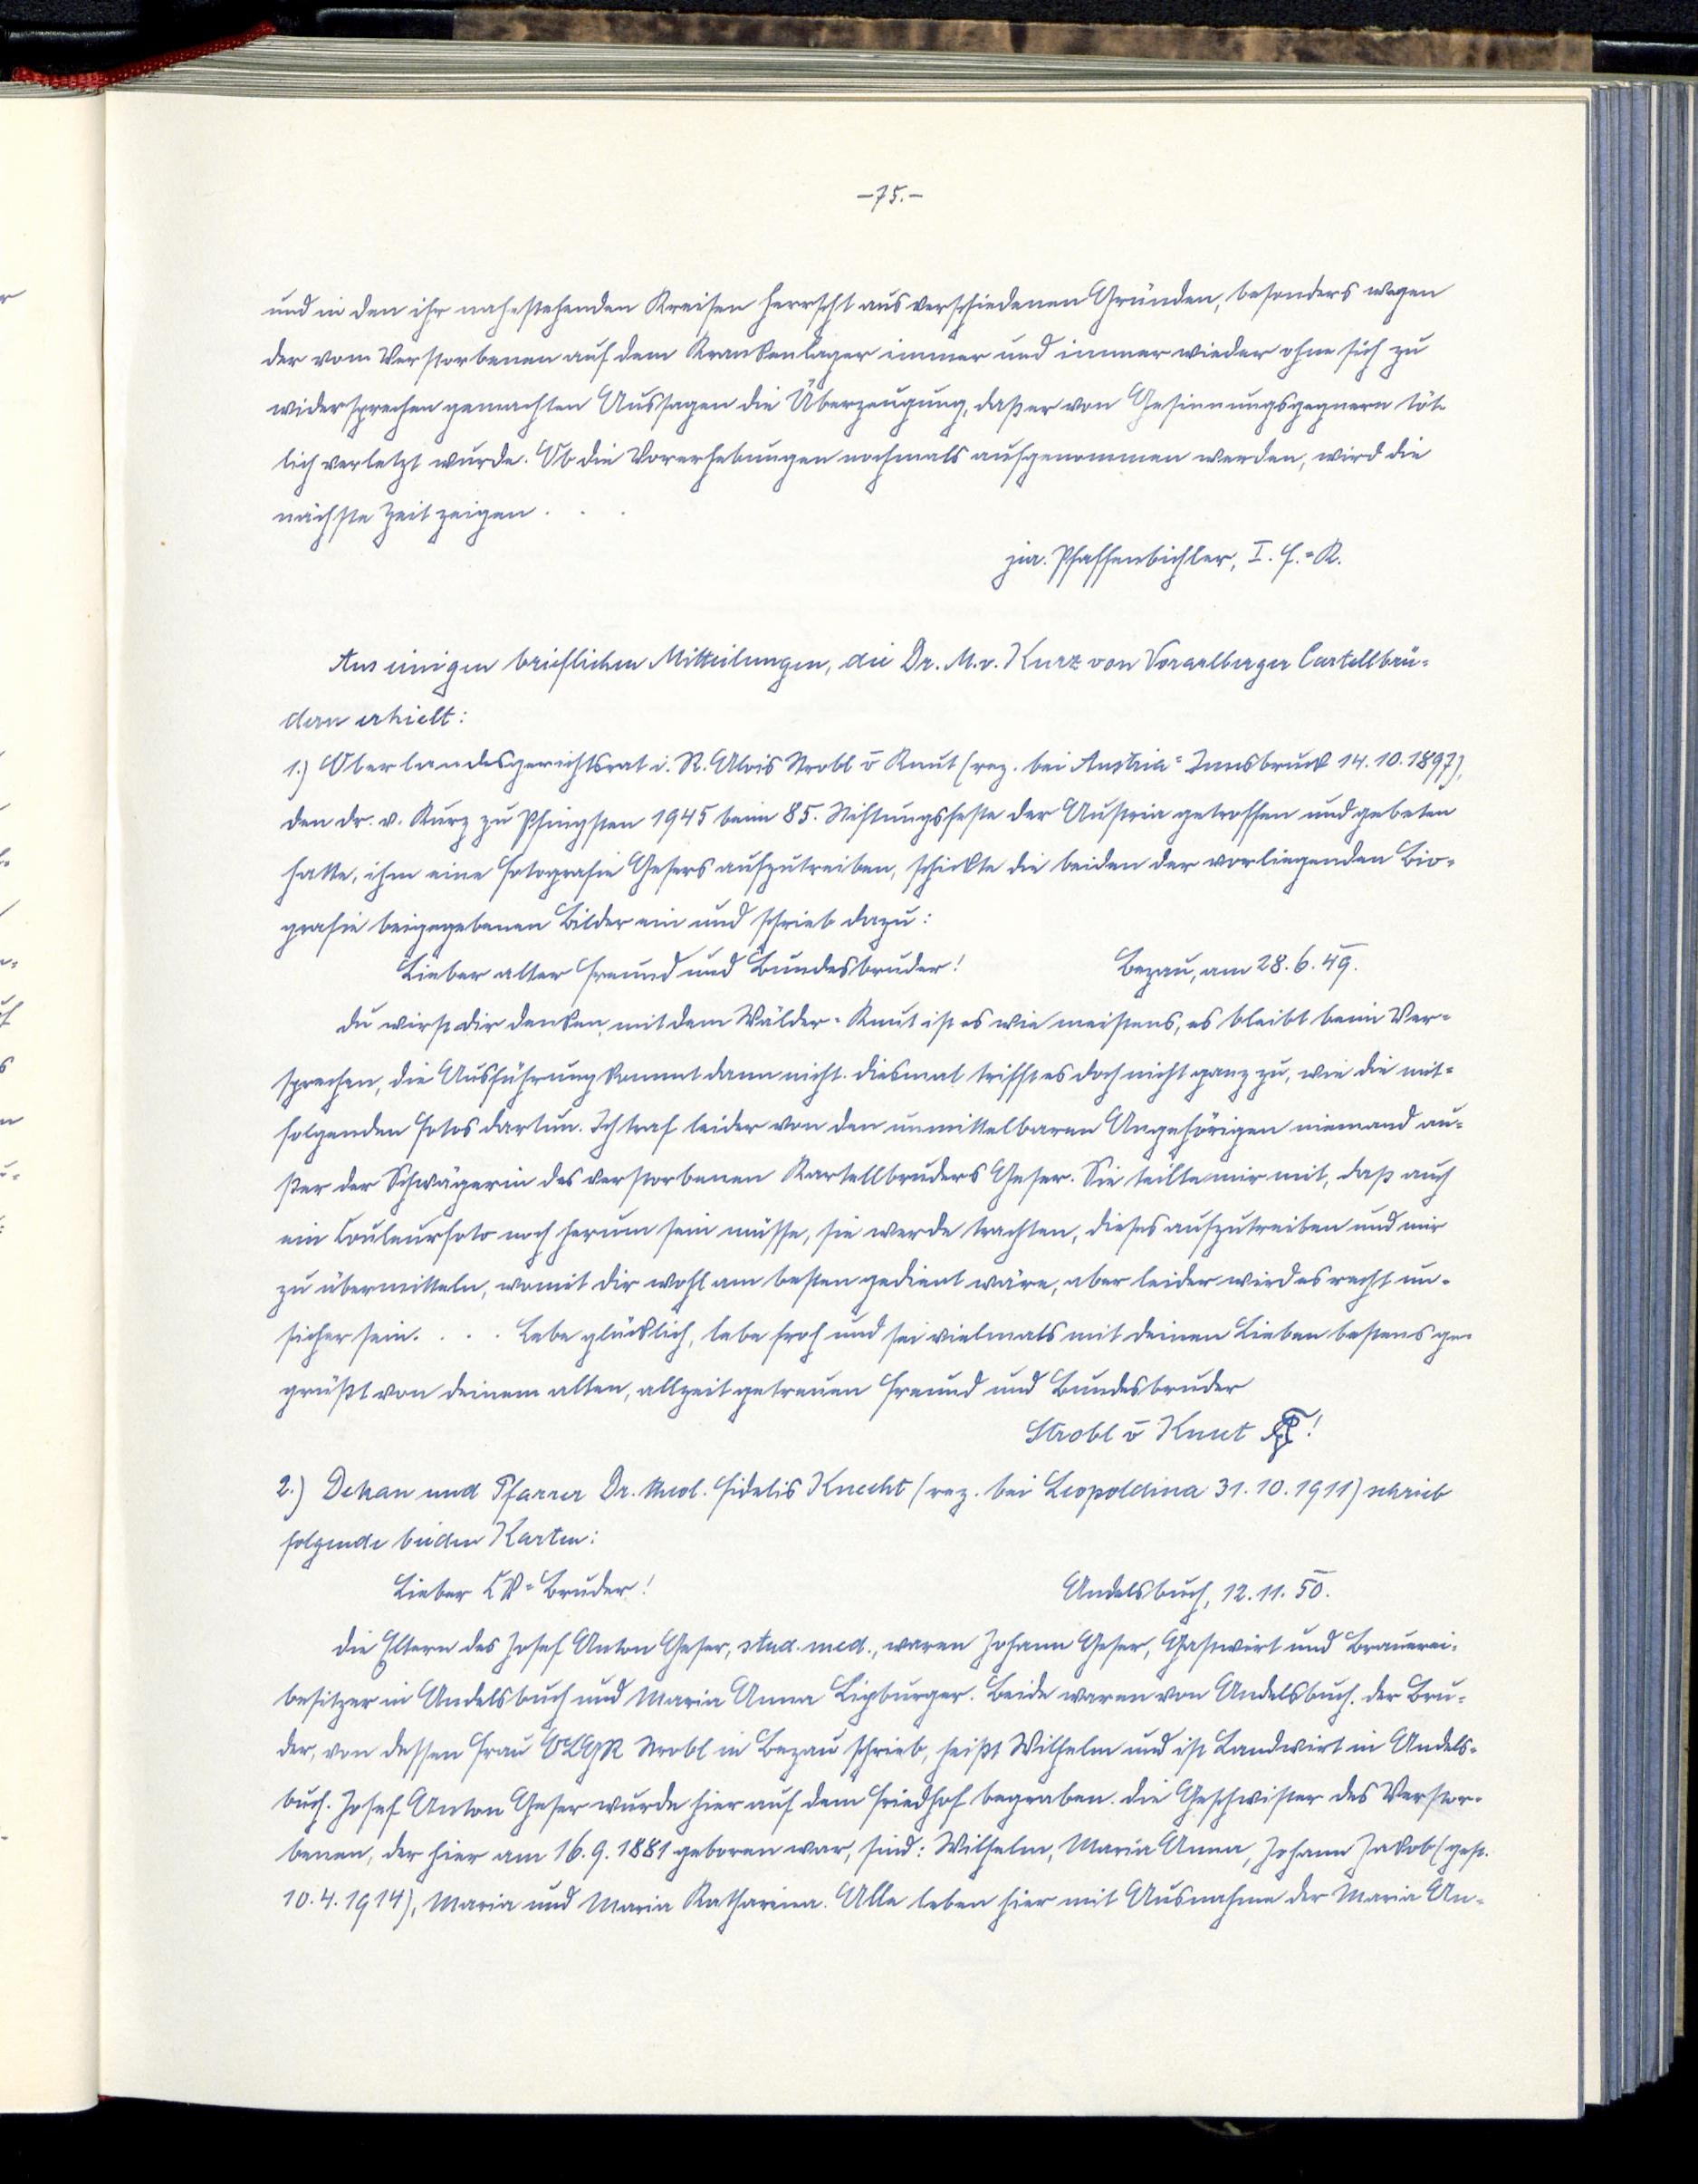75
und in den ihr nahe stehenden Kreisen herrscht aus verschiedenen Gründen, besonders wegen
der vom Verstorbenen auf dem Krankenlager immer und immer wieder ohne sich zu
widersprechen gemachten Aussagen die Überzeugung, daß er von Gesinnungsgegnern töt-
lich verletzt wurde. Ob die Vorerhebungen nochmals aufgenommen werden, wird die
nächste Zeit zeigen.
jur. Pfaffenbichler, I F-K.
Aus einigen brieflichen Mitteilungen, die Dr. M. v. Kurz von Vorarlberger Cartellbrü-
dern erhielt:
1) Oberlandesgerichtsrat i. R. Alois Strobl v/o Knut (rez. bei Austria-Innsbruck 14.10.1897),
den Dr. v. Kurz zu Pfingsten 1945 beim 85. Stiftungs Feste der Austria getroffen und gebeten
hatte, ihm eine Fotografie Gesers aufzutreiben, schickte die beiden der vorliegenden Bio-
grafie beigegebenen Bilder ein und schrieb dazu:
Bezau, am 28.6.49.
Lieber alter Freund und Bundesbruder!
Du wirst dir denken, mit dem Wälder Knut ist es wie meistens, es bleibt beim Ver-
sprechen, die Ausführung kommt dann nicht. Diesmal trifft es doch nicht ganz zu, wie die mit-
folgendem Fotos da tun. Ich traf leider von den unmittelbaren Angehörigen niemand au-
ßer der Schwägerin des verstorbenen Kartellbruders Geser. Sie teilte mir mit, daß auch
ein Couleurfoto noch herum sein müsste, sie werde trachten, dieses aufzutreiben und mir
zu übermitteln, womit dir wohl am besten gedient wäre, aber leider wird dies recht un-
sicher sein… Lebe glücklich, lebe froh und sei vielmals mit deinen Lieben bestens ge-
grüßt von deinem alten, allezeit getreuen Freund und Bundesbruder
Strobl v/o Knut Cl!
2) Dekan und Pfarrer Dr. theol Fidelis Knecht (rez. bei Leopoldina 31.10.1911) schrieb
folgende beiden Karten:
Lieber CV-Bruder!
Andelsbuch, 12.11.50
Die Eltern des Joseph Anton Geser, waren Johann Geser, Gastwirt und Brauerei-
besitzer in Andelsbuch und Maria Anna Ligburger. Beide waren von Andelsbuch. Der Bru-
der, von dessen Frau OLGR Strobl in Bezau schrieb, heißt Wilhelm und ist Landwirt in Andels-
Buch. Joseph Anton Geser wurde hier auf dem Friedhof begraben. Die Geschwister des Verstor-
benen, der hier am 16.9.1881 geboren war, sind: Wilhelm, Maria Anna, Johann Jakob (gest.
10.4.1914), Maria und Maria Katharina. Alle leben hier mit Ausnahme der Maria An